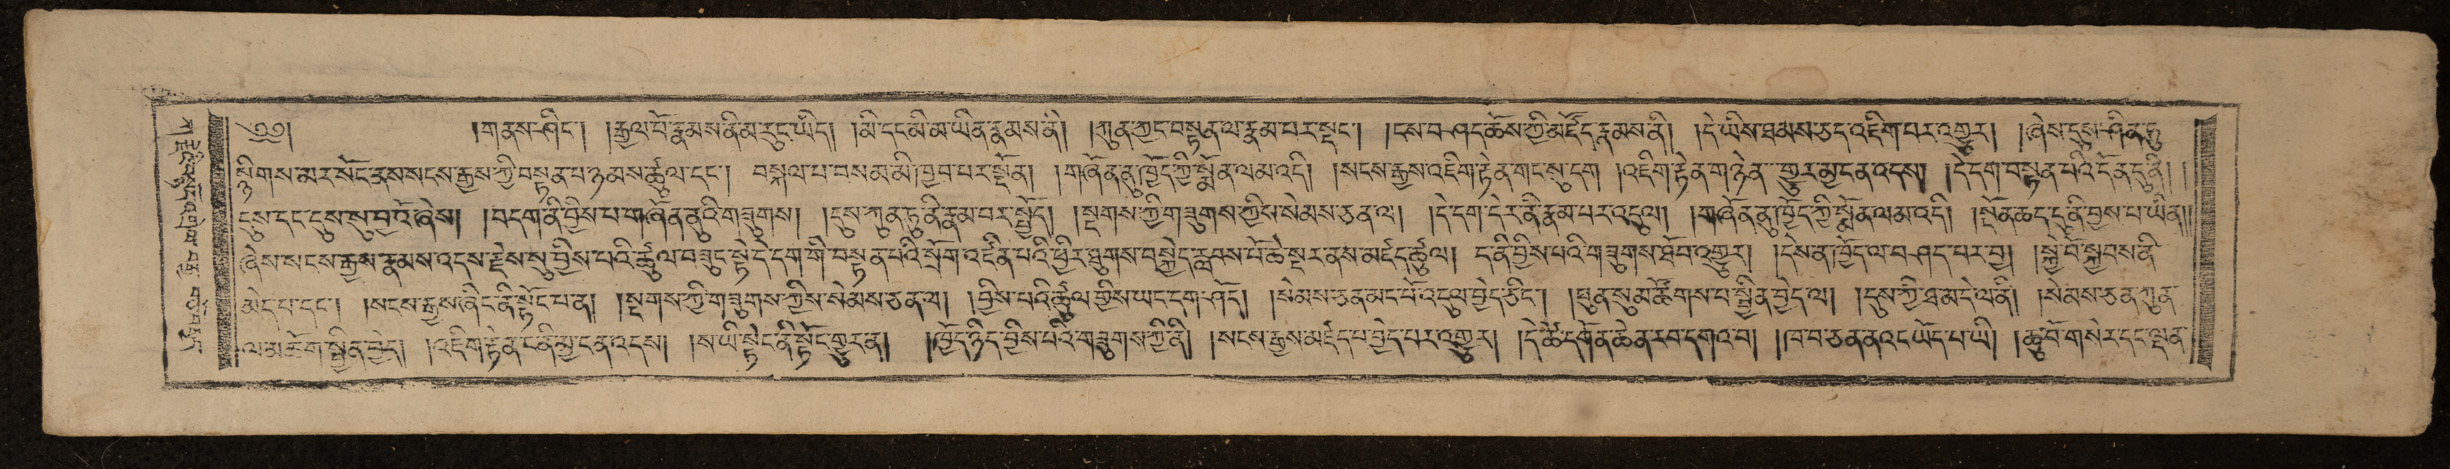༄༅། །ཤིང་། །རྒྱལ་པོ་རྣམས་ནི་མ་རུང་ཡིད། །མི་དང་མི་མ་ཡིན་རྣམས་ནི། །ཀུན་ཀྱང་བསྟན་ལ་རྣམ་པར་སྡང་། །ངས་བཤད་ཆོས་ཀྱི་མཛོད་རྣམས་ནི། །དེ་ཡིས་ཐམས་ཅད་འཇིག་པར་འགྱུར། །ཞེས་དུས་ཤིན་ཏུ་
སྙིགས་མར་སོང་ནས་སངས་རྒྱས་ཀྱི་བསྟན་པ་ཉམས་ཚུལ་དང་། བསྐལ་པ་བསམ་མི་ཁྱབ་པར་སྔོན། །གཞོན་ནུ་ཁྱོད་ཀྱི་སྨོན་ལམ་འདི། །སངས་རྒྱས་འཇིག་རྟེན་གང་སུ་དག །འཇིག་རྟེན་གཉན་གྱུར་མྱ་ངན་འདས། །དེ་དག་བསྟན་པའི་དོན་དུ་ནི། །
དུས་དང་དུས་སུ་བྱའོ་ཞེས། བདག་ནི་བྱིས་པ་གཞོན་ནུའི་གཟུགས། །དུས་ཀུན་ཏུ་ནི་རྣམ་པར་སྤྱོད། །སྔགས་ཀྱི་གཟུགས་ཀྱིས་སེམས་ཅན་ལ། །དེ་དག་དེར་ནི་རྣམ་པར་འདུལ། །གཞོན་ནུ་ཁྱོད་ཀྱི་སྨོན་ལམ་འདི། །སྔོན་ཆད་དུ་ནི་བྱས་པ་ཡིན་
ཞེས་སངས་རྒྱས་རྣམས་འདས་རྗེས་སུ་བྱིས་པའི་ཚུལ་བཟུང་སྟེ་དེ་དག་གི་བསྟན་པའི་སྲོག་འཛིན་པའི་ཕྱིན་ཐུགས་བསྐྱེད་རླབས་པོ་ཆེ་སྔར་ནས་མཛད་ཚུལ། ད་ནི་བྱིས་པའི་གཟུགས་ཐོབ་འགྱུར། །དེས་ན་ཁྱེད་ལ་བཤད་པར་བྱ། །སྐྱེ་བོ་སྐྱབས་ནི་
མེད་བ་དང་། །སངས་རྒྱས་ཞང་ནི་སྟོང་པ་ན། །སྔགས་ཀྱི་གཟུགས་ཀྱིས་སེམས་ཅན་ལ། །བྱིས་པའི་ཚུལ་གྱིས་ཡང་དག་ཤོད། །སེམས་ཅན་མང་པོ་འདུལ་བྱེད་ཅིང་། །ཕུན་སུམ་ཚོགས་པ་སྤྱིན་བྱེད་ལ། །དུས་ཀྱི་ཐ་མ་དེ་ཡིན། །སེམས་ཅན་ཀུན་
ལ་མཆོག་སྦྱིན་བྱེད། །འཇིག་རྟེན་ང་ནི་མྱ་ངན་འདས། །ས་ཡི་སྟེང་ནི་སྟོང་གྱུར་ན། །བྱོད་ཉིད་བྱིས་པའི་གཟུགས་གི་ནི། །སངས་རྒྱས་མཛད་པ་བྱེད་པར་འགྱུར། །དེ་ཚེ་དགོན་ཆེན་རབ་དགའ་བ། །ཁ་བཅན་ནའང་ཡོད་པ་ཡི། །ཆུ་པོ་གསེར་དང་ལྡན་